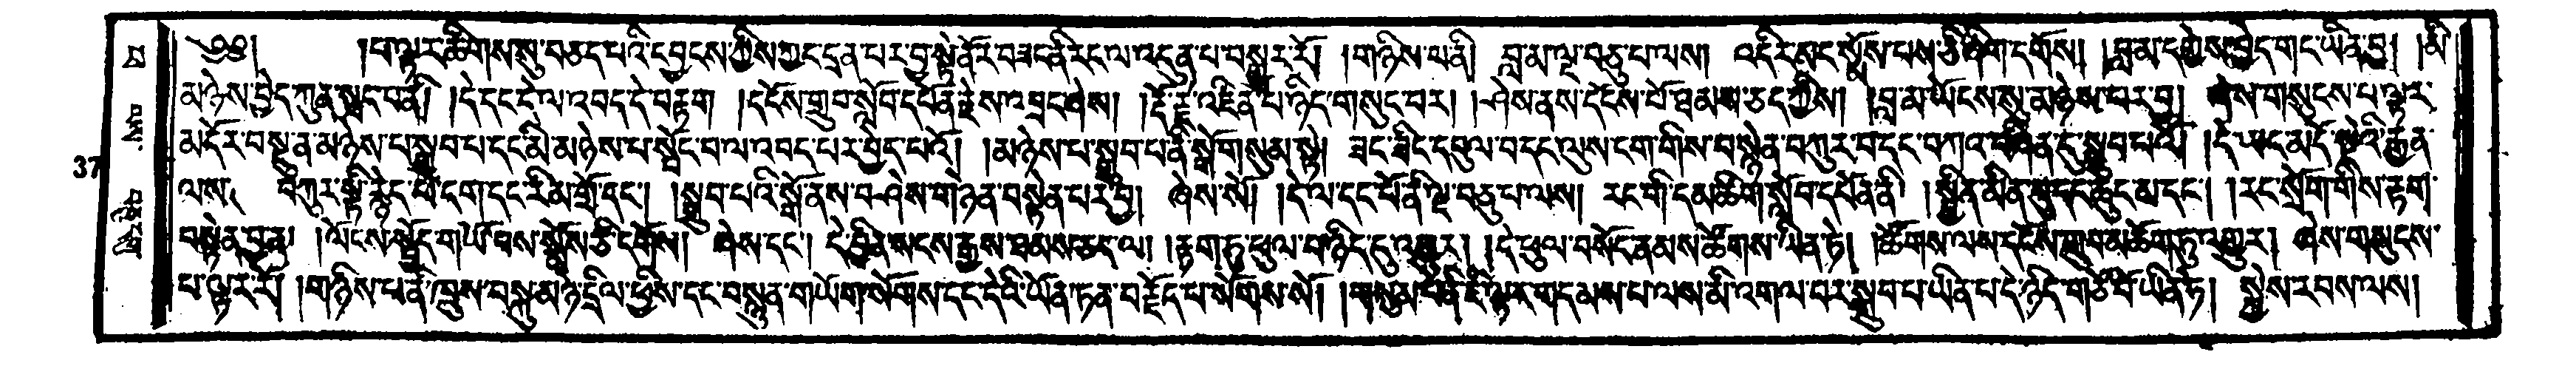༄༅། །པ་ལྟར་ཚིགས་སུ་བཅད་པའི་དབྱངས་ཀྱིས་ཀྱང་དྲན་པར་བྱ་སྟེ་ནོར་བཟང་ནི་རང་ལ་འདུན་པ་བསྒྱུར་རོ། །གཉིས་པ་ནི། བླ་མ་ལྔ་བཅུ་པ་ལས། འདིར་མང་སྨོས་པས་ཅི་ཞིག་དགོས། །བླ་མ་དགྱེས་བྱེད་གང་ཡིན་བྱ། །མི་
མཉེས་བྱེད་ཀུན་སྤང་བ་ནི། །དེ་དང་དེ་ལ་འབད་དེ་བརྟག །དངོས་གྲུབ་སློབ་དཔོན་རྗེས་འབྲང་ཞེས། །རྡོ་རྗེ་འཛིན་པ་ཉིད་གསུང་བར། །ཤེས་ནས་དངོས་པོ་ཐམས་ཅད་ཀྱིས། །བླ་མ་ཡོངས་སུ་མཉེས་པར་བྱ། ཞེས་གསུངས་པ་ལྟར་
མདོར་བསྡུ་ན་མཉེས་པ་སྒྲུབ་པ་དང་མི་མཉེས་པ་སྤོང་བ་ལ་འབད་པར་བྱེད་པའོ། །མཉེས་པ་སྒྲུབ་པ་ནི་སྒོ་གསུམ་སྟེ། ཟང་ཟིང་དབུལ་བ་དང་ལུས་ངག་གིས་བསྙེན་བཀུར་བ་དང་བཀའ་བཞིན་དུ་སྒྲུབ་པའོ། །དེ་ཡང་མདོ་སྡེའི་རྒྱན་
ལས༑ བཀུར་སྟི་རྙེད་པ་དག་དང་རི་མ་གྲོ་དང་། །སྒྲུབ་པའི་སྒོ་ནས་བཤེས་གཉེན་བསྟེན་པར་བྱ། ཞེས་སོ། །དེ་ལ་དང་པོ་ནི་ལྔ་བཅུ་པ་ལས། རང་གི་དམ་ཚིག་སློབ་དཔོན་ནི། །སྦྱིན་མིན་བུ་དང་ཆུང་མ་དང་། །རང་སྲོག་གིས་རྟག་
བསྟེན་བྱ་ན། །ལོངས་སྤྱོད་གཡོ་བས་སྨོས་ཅི་དགོས། ཞེས་དང་། དེ་བྱིན་སངས་རྒྱས་ཐམས་ཅད་ལ། །རྟག་ཏུ་ཕུལ་བ་ཉིད་དུ་འགྱུར། །དེ་ཕུལ་བསོད་ནམས་ཚོགས་ཡིན་ཏེ། །ཚོགས་ལས་དངོས་གྲུབ་མཆོག་ཏུ་འགྱུར། ཞེས་གསུངས་
པ་ལྟར་རོ། །གཉིས་པ་ནི་ཁྲུས་བསྐུ་མ་ཉེ་དྲིལ་ཕྱིས་དང་བསྙུན་གཡོག་སོགས་དང་དེའི་ཡོན་ཏན་བརྗོད་པ་སོགས་སོ། །གསུམ་པ་ནི་ཇི་ལྟར་གདམས་པ་ལས་མི་འགལ་བར་སྒྲུབ་པ་ཡིན་པ་དེ་ཉིད་གཙོ་བོ་ཡིན་ཏེ། སྐྱེས་རབས་ལས།